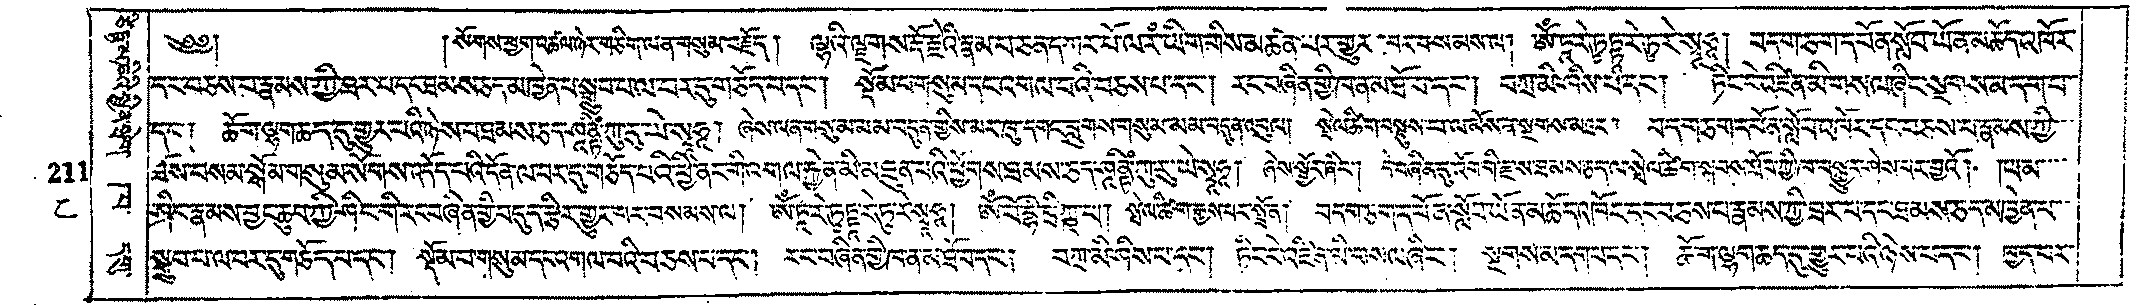༄༅། །སོགས་ཕྱག་འཚལ་ཉེར་གཅིག་ལན་གསུམ་བརྗོད།  ལྷའི་ལྗགས་རྡོ་རྗེའི་རྣམ་པ་ཅན་དཀར་པོ་ལ་རཾ་ཡིག་གིས་མཚན་པར་གྱུར་པར་བསམ་ལ། ཨོཾ་ཏཱ་རེ་ཏུ་ཏྟཱ་ཏེ་ཏུ་རེ་སྭཱ་ཧཱ། བདག་ཅག་དཔོན་སློབ་ཡོན་མཆོད་འཁོར་
དང་བཅས་པ་རྣམས་ཀྱི་ཐར་པ་དང་ཐམས་ཅད་མཁྱེན་པ་སྒྲུབ་པ་ལ་བར་དུ་གཅོད་པ་དང་། སྡོམ་པ་གསུམ་དང་འགལ་བའི་བཅས་པ་དང་། རང་བཞིན་གྱི་ཁ་ན་མ་ཐོ་བ་དང་། བཀྲ་མི་ཤིས་པ་དང་། ཏིང་ངེ་འཛིན་མི་གསལ་ཞིང་སྔགས་མ་དག་པ་་་
དང་། ཆོ་ག་ལྷག་ཆད་དུ་གྱུར་པའི་ཉེས་པ་ཐམས་ཅད་ཤཱནྟིཾ་ཀུ་རུ་ཡེ་སྭཱཧཱ། ཞེས་ལན་གསུམ་མམ་བདུན་གྱིས་མར་ཁུ་དགང་བླུགས་གསུམ་མམ་བདུན་འབུལ། སྤེལ་ཚིག་བསྡུས་པ་ལ་མོས་ན་སྔགས་མཐར།  བདག་ཅག་དཔོན་སློབ་འཁོར་དང་བཅས་པ་རྣམས་ཀྱི་་་
ཐོས་བསམ་སྒོམ་གསུམ་སོགས་འདོད་པའི་དོན་ལ་བར་དུ་གཅོད་པའི་ཕྱི་ནང་གི་འགལ་རྐྱེན་མི་མཐུན་པའི་ཕྱོགས་ཐམས་ཅད་ཤཱནྟིཾ་ཀུ་རུ་ཡེ་སྭཱཧཱ། ཞེས་སྦྱོར་ཞིང་། དེ་བཞིན་དུ་འོག་གི་རྫས་ཐམས་ཅད་ལ་སྤེལ་ཚིག་སྐབས་ཐོབ་ཀྱི་ཁ་བསྒྱུར་ཤེས་པར་བྱའོ།  །ཡམ་་་
ཤིང་རྣམས་བྱང་ཆུབ་ཀྱི་ཤིང་གི་རང་བཞིན་གྱི་བདུད་རྩིར་གྱུར་པར་བསམས་ལ། ཨོཾ་ཏཱ་རེ་ཏུཏྟཱ་རེ་ཏུ་རེ་སྭཱཧཱ། ཨོཾ་བོ་དྷི་པྲིཀྵ་ཡ། སྤེལ་ཚིག་རྒྱས་པར་སྤྲོ་ན།  བདག་ཅག་དཔོན་སློབ་ཡོན་མཆོད་འཁོར་དང་བཅས་པ་རྣམས་ཀྱི་ཐར་པ་དང་ཐམས་ཅད་མཁྱེན་པ་་་
སྒྲུབ་པ་ལ་བར་དུ་གཅོད་པ་དང་། སྡོམ་པ་གསུམ་དང་འགལ་བའི་བཅས་པ་དང་། རང་བཞིན་གྱི་ཁ་ན་མ་ཐོ་བ་དང་། བཀྲ་མི་ཤིས་པ་དང་། ཏིང་ངེ་འཛིན་མི་གསལ་ཞིང་། སྔགས་མ་དག་པ་དང་། ཆོ་ག་ལྷག་ཆད་དུ་གྱུར་པའི་ཉེས་པ་དང་། ཁྱད་པར་